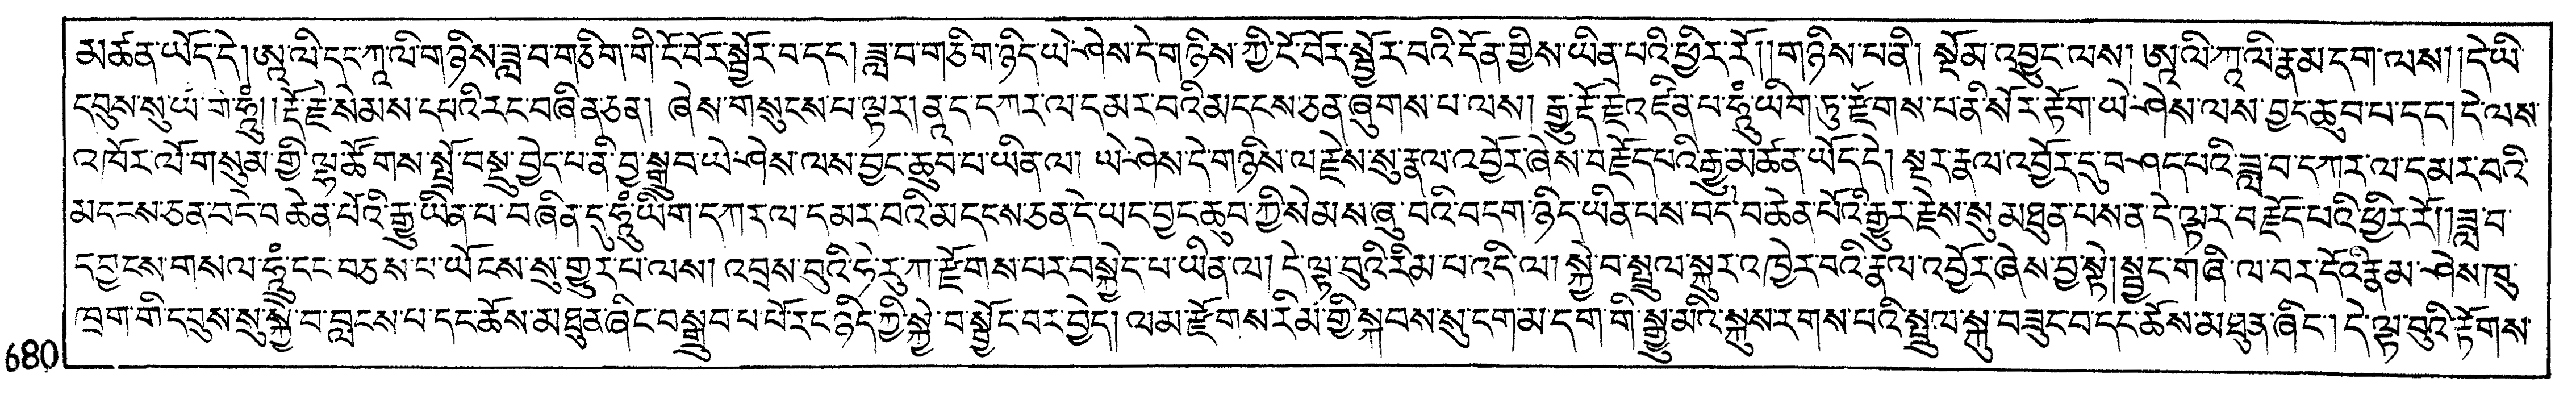མཚན་ཡོད་དེ། ཨཱ་ལི་དང་ཀཱ་ལི་གཉིས་ཟླ་བ་གཅིག་གི་ངོ་བོར་སྦྱོར་བ་དང་། ཟླ་བ་གཅིག་ཉིད་ཡེ་ཤེས་དེ་གཉིས་ཀྱི་ངོ་བོར་སྦྱོར་བའི་དོན་གྱིས་ཡིན་པའི་ཕྱིར་རོ། །གཉིས་པ་ནི། སྡོམ་འབྱུང་ལས། ཨཱ་ལི་ཀཱ་ལི་རྣམ་དག་ལས། །དེ་ཡི་
དབུས་སུ་ཡི་གེ་ཧཱུཾ། །རྡོ་རྗེ་སེམས་དཔའི་རང་བཞིན་ཅན། ཞེས་གསུངས་པ་ལྟར། ནཱ་ད་དཀར་ལ་དམར་བའི་མདངས་ཅན་ཞུགས་པ་ལས། རྒྱུ་རྡོ་རྗེ་འཛིན་པ་ཧཱུཾ་ཡིག་ཏུ་རྫོགས་པ་ནི་སོར་རྟོག་ཡེ་ཤེས་ལས་བྱང་ཆུབ་པ་དང་། དེ་ལས་
འཁོར་ལོ་གསུམ་གྱི་ལྷ་ཚོགས་སྤྲོ་བསྡུ་བྱེད་པ་ནི་བྱ་སྒྲུབ་ཡེ་ཤེས་ལས་བྱང་ཆུབ་པ་ཡིན་ལ། ཡེ་ཤེས་དེ་གཉིས་ལ་རྗེས་སུ་རྣལ་འབྱོར་ཞེས་བརྗོད་པའི་རྒྱུ་མཚན་ཡོད་དེ། སྔར་རྣལ་འབྱོར་དུ་བཤད་པའི་ཟླ་བ་དཀར་ལ་དམར་བའི་
མདངས་ཅན་བདེ་བ་ཆེན་པོའི་རྒྱུ་ཡིན་པ་བཞིན་དུ་ཧཱུཾ་ཡིག་དཀར་ལ་དམར་བའི་མདངས་ཅན་དེ་ཡང་བྱང་ཆུབ་ཀྱི་སེམས་ཞུ་བའི་བདག་ཉིད་ཡིན་པས་བདེ་བ་ཆེན་པོའི་རྒྱུར་རྗེས་སུ་མཐུན་པས་ན་དེ་ལྟར་བརྗོད་པའི་ཕྱིར་རོ། །ཟླ་བ་
དབྱངས་གསལ་ཧཱུཾ་དང་བཅས་པ་ཡོངས་སུ་གྱུར་པ་ལས། འབྲས་བུའི་ཧེ་རུ་ཀ་རྫོགས་པར་བསྐྱེད་པ་ཡིན་ལ། དེ་ལྟ་བུའི་རིམ་པ་འདི་ལ། སྐྱེ་བ་སྤྲུལ་སྐུར་འཁྱེར་བའི་རྣལ་འབྱོར་ཞེས་བྱ་སྟེ། སྦྱང་གཞི་ལ་བར་དོའི་རྣམ་ཤེས་ཁུ་
ཁྲག་གི་དབུས་སུ་སྐྱེ་བ་བླངས་པ་དང་ཆོས་མཐུན་ཞིང་བསྒྲུབ་པ་པོ་རང་ཉིད་ཀྱི་སྐྱེ་བ་སྦྱོང་བར་བྱེད། ལམ་རྫོགས་རིམ་གྱི་སྐབས་སུ་དག་མ་དག་གི་སྒྱུ་མའི་སྐུས་རགས་པའི་སྤྲུལ་སྐུ་བཟུང་བ་དང་ཆོས་མཐུན་ཞིང་། དེ་ལྟ་བུའི་རྟོགས་